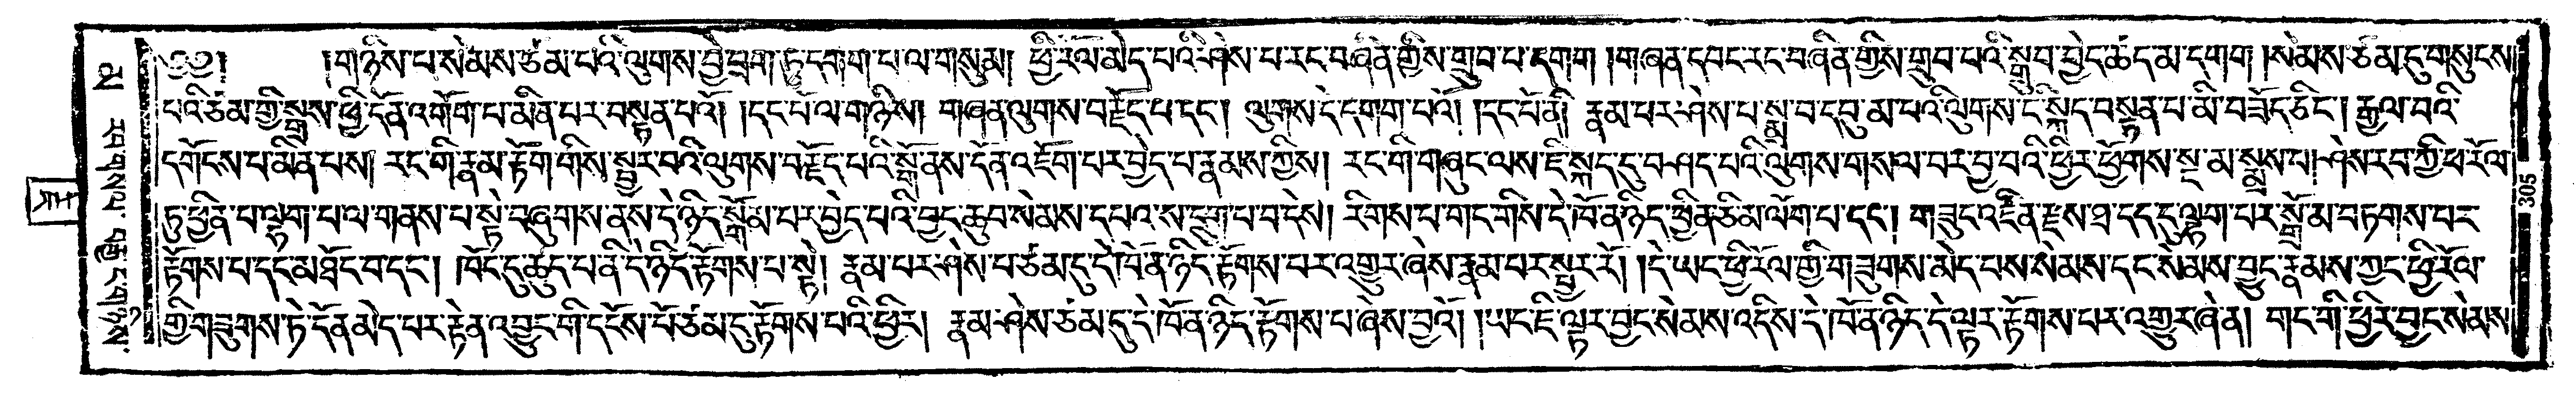༄༅། །གཉིས་པ་སེམས་ཙམ་པའི་ལུགས་བྱེ་བྲག་ཏུ་དགག་པ་ལ་གསུམ། ཕྱི་རོལ་མེད་པའི་ཤེས་པ་རང་བཞིན་གྱིས་གྲུབ་པ་དགག །གཞན་དབང་རང་བཞིན་གྱིས་གྲུབ་པའི་སྒྲུབ་བྱེད་ཚད་མ་དགག །སེམས་ཙམ་དུ་གསུངས་
པའི་ཙམ་གྱི་སྒྲས་ཕྱི་དོན་འགོག་པ་མིན་པར་བསྟན་པའོ། །དང་པོ་ལ་གཉིས། གཞན་ལུགས་བརྗོད་པ་དང་། ལུགས་དེ་དགག་པའོ། །དང་པོ་ནི། རྣམ་པར་ཤེས་པ་སྨྲ་བ་དབུ་མ་པའི་ལུགས་ཇི་སྐད་བསྟན་པ་མི་བཟོད་ཅིང་། རྒྱལ་བའི་
དགོངས་པ་མིན་པས། རང་གི་རྣམ་རྟོག་གིས་སྦྱར་བའི་ལུགས་བརྗོད་པའི་སྒོ་ནས་དོན་འཇོག་པར་བྱེད་པ་རྣམས་ཀྱིས། རང་གི་གཞུང་ལས་ཇི་སྐད་དུ་བཤད་པའི་ལུགས་གསལ་བར་བྱ་བའི་ཕྱིར་ཕྱོགས་སྔ་མ་སྨྲས་པ། ཤེས་རབ་ཀྱི་ཕ་རོལ་
ཏུ་ཕྱིན་པ་ལྷག་པ་ལ་གནས་པ་སྟེ་བཞུགས་ནས་དེ་ཉིད་སྒོམ་པར་བྱེད་པའི་བྱང་ཆུབ་སེམས་དཔའ་ས་དྲུག་པ་བ་དེས། རིགས་པ་གང་གིས་དེ་ཁོ་ན་ཉིད་ཕྱིན་ཅི་མ་ལོག་པ་དང་། གཟུང་འཛིན་རྫས་ཐ་དད་དུ་ལྷག་པར་སྒྲོ་མ་བཏགས་པར་
རྟོགས་པ་དང་མཐོང་བ་དང་། ཁོང་དུ་ཆུད་པ་ནི་དེ་ཉིད་རྟོགས་པ་སྟེ། རྣམ་པར་ཤེས་པ་ཙམ་དུ་དེ་ཁོ་ན་ཉིད་རྟོགས་པར་འགྱུར་ཞེས་རྣམ་པར་སྦྱར་རོ། །དེ་ཡང་ཕྱི་རོལ་གྱི་གཟུགས་མེད་པས་སེམས་དང་སེམས་བྱུང་རྣམས་ཀྱང་ཕྱི་རོལ་
གྱི་གཟུགས་ཏེ་དོན་མེད་པར་རྟེན་འབྱུང་གི་དངོས་པོ་ཙམ་དུ་རྟོགས་པའི་ཕྱིར། རྣམ་ཤེས་ཙམ་དུ་དེ་ཁོ་ན་ཉིད་རྟོགས་པ་ཞེས་བྱའོ། །ཡང་ཇི་ལྟར་བྱང་སེམས་འདིས་དེ་ཁོ་ན་ཉིད་དེ་ལྟར་རྟོགས་པར་འགྱུར་ཞེ་ན། གང་གི་ཕྱིར་བྱང་སེམས་